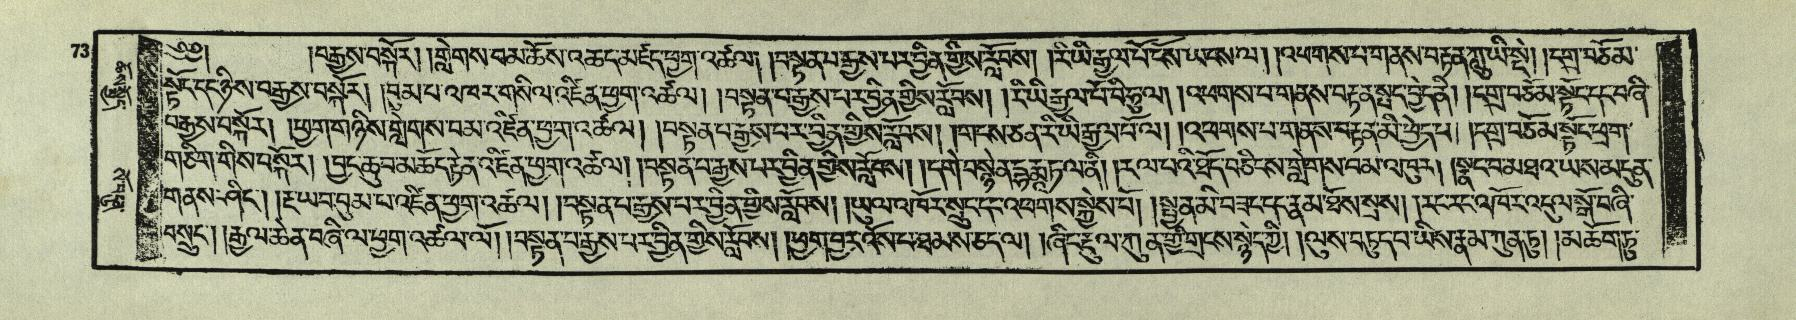༄༅། །བརྒྱས་བསྐོར། །གླེགས་བམ་ཆོས་འཆད་མཛད་ཕྱག་འཚལ། །བསྟན་པ་རྒྱས་པར་བྱིན་གྱིས་རློབས། །རི་ཡི་རྒྱལ་པོ་ངོས་ཡངས་ལ། །འཕགས་པ་གནས་བརྟན་ཀླུ་ཡི་སྡེ། །དགྲ་བཅོམ་
སྟོང་དང་ཉིས་བརྒྱས་བསྐོར། །བུམ་པ་འཁར་གསིལ་འཛིན་ཕྱག་འཚལ། །བསྟན་པ་རྒྱས་པར་བྱིན་གྱིས་རློབས། །རི་ཡི་རྒྱལ་པོ་བི་ཧུ་ལ། །འཕགས་པ་གནས་བརྟན་སྤད་བྱེད་ནི། །དགྲ་བཅོམ་སྟོང་དང་བཞི་
བརྒྱས་བསྐོར། །ཕྱག་གཉིས་གླེགས་བམ་འཛིན་ཕྱག་འཚལ། །བསྟན་པ་རྒྱས་པར་བྱིན་གྱིས་རློབས། །གངས་ཅན་རི་ཡི་རྒྱལ་པོ་ལ། །འཕགས་པ་གནས་བརྟན་མི་ཕྱེད་པ། །དགྲ་བཅོམ་སྟོང་ཕྲག་
གཅིག་གིས་བསྐོར། །བྱང་ཆུབ་མཆོད་རྟེན་འཛིན་ཕྱག་འཚལ། །བསྟན་པ་རྒྱས་པར་བྱིན་གྱིས་རློབས། །དགེ་བསྙེན་དྷརྨཱཏ་ལ་ནི། །རལ་པའི་ཐོད་བཅིངས་གླེགས་བམ་འཁུར། །སྣང་བ་མཐའ་ཡས་མདུན་
གནས་ཤིང་། །རྔ་ཡབ་བུམ་པ་འཛིན་ཕྱག་འཚལ། །བསྟན་པ་རྒྱས་པར་བྱིན་གྱིས་རློབས། །ཡུལ་འཁོར་སྲུང་དང་འཕགས་སྐྱེས་པོ། །སྤྱན་མི་བཟང་དང་རྣམ་ཐོས་སྲས། །རང་རང་འཁོར་འདུལ་སྒོ་བཞི་
བསྲུང་། །རྒྱལ་ཆེན་བཞི་ལ་ཕྱག་འཚལ་ལོ། །བསྟན་པ་རྒྱས་པར་བྱིན་གྱིས་རློབས། །ཕྱག་བྱར་འོས་པ་ཐམས་ཅད་ལ། །ཞིང་རྡུལ་ཀུན་གྱི་གྲངས་སྙེད་ཀྱི། །ལུས་བཏུད་པ་ཡིས་རྣམ་ཀུན་ཏུ། །མཆོག་ཏུ་